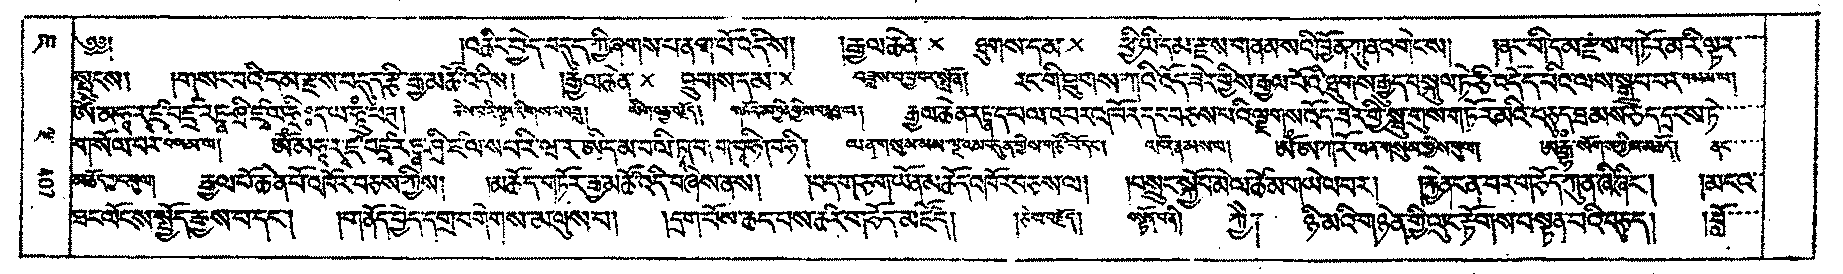༄༅། །འཆིང་བྱེད་བདུད་ཀྱི་ཞགས་པ་ནག་པོ་འདིས། །རྒྱལ་ཆེན་྾་ཐུགས་དམ་྾་ཕྱི་ཡི་དམ་རྫས་གནམ་སའི་ཁྱོན་ཀུན་འགེངས། །ནང་གི་དམ་རྫས་གཏོར་མ་རི་ལྟར་
སྤུངས། །གསང་བའི་དམ་རྫས་བདུད་རྩི་རྒྱ་མཚོ་འདིས། །རྒྱལ་ཆེན་྾་ཐུགས་དམ་྾་བཟླས་པ་བྱ་བར་སྤྲོ་ན།  རང་གི་ཐུགས་ཀའི་འོད་ཟེར་གྱིས་རྒྱལ་པོའི་ཐུགས་རྒྱུད་བསྐུལ་ཏེ་ཅི་འདོད་པའི་ལས་སྒྲུབ་པར་བསམ་ལ།
ཨོཾ་མཧཱ་རཱ་ཛཱ་བཛྲ་རཏྣ་ཤྲི་ཛྭ་ལ་ཧྲིཿ ད་ཡ་ཧཱུཾ་ཕཊ། ཅེས་པ་ཇི་ལྟར་རིགས་པ་བཟླ། ཡིག་བརྒྱ་བརྗོད། གཏོར་མ་བྱིན་གྱིས་བརླབས་ལ།  རྒྱལ་ཆེན་རཏྣ་དཔལ་འབར་འཁོར་དང་བཅས་པའི་ལྗགས་འོད་ཟེར་གྱི་སྦུ་གུས་གཏོར་མའི་བཅུད་ཐམས་ཅད་དྲངས་ཏེ་
གསོལ་བར་བསམ་ལ།  ཨོཾ་མཧཱ་རཱ་ཛ་བཛྲ་རཏྣ་ཤྲི་ཛ་ལ་ས་པ་རི་ཝ་ར་ཨི་དམ་པ་ལི་ཏཱ་ཁ་ཁ་ཁཱ་ཧི་ཁ་ཧི། ལན་གསུམ་མམ་ལྔ་འམ་བདུན་གྱིས་གཙོ་བོ་དང་། འཁོར་རྣམས་ལ།  ཨོཾ་ཨ་ཀ་རོ་ལན་གསུམ་གྱིས་ཕུལ།  ཨརྒྷཾ་སོགས་ཀྱིས་མཆོད། ནང་
མཆོད་ཀྱང་ཕུལ། རྒྱལ་པོ་ཆེན་པོ་འཁོར་བཅས་ཀྱིས། །མཆོད་གཏོར་རྒྱ་མཚོ་འདི་བཞེས་ནས། །བདག་ཅག་ཡོན་མཆོད་འཁོར་བཅས་ལ། །བསྲུང་སྐྱོབ་མེ་ལ་ཚེ་མ་གཡེལ་བར། །རྐྱེན་ངན་བར་གཅོད་ཀུན་ཞི་ཞིང་། །མངའ་
ཐང་ལོངས་སྤྱོད་རྒྱས་པ་དང་། །གནོད་བྱེད་དགྲ་བགེགས་མ་ལུས་པ། །དྲག་པོས་ཆད་པས་ཚར་གཅོད་མཛོད། ། ཅེས་བརྗོད། བསྟོད་པ་ནི།  ཀྱཻ། ཉི་མའི་གཉེན་གྱི་ལུང་རྟོགས་བསྟན་པའི་བཅུད། །བློ་